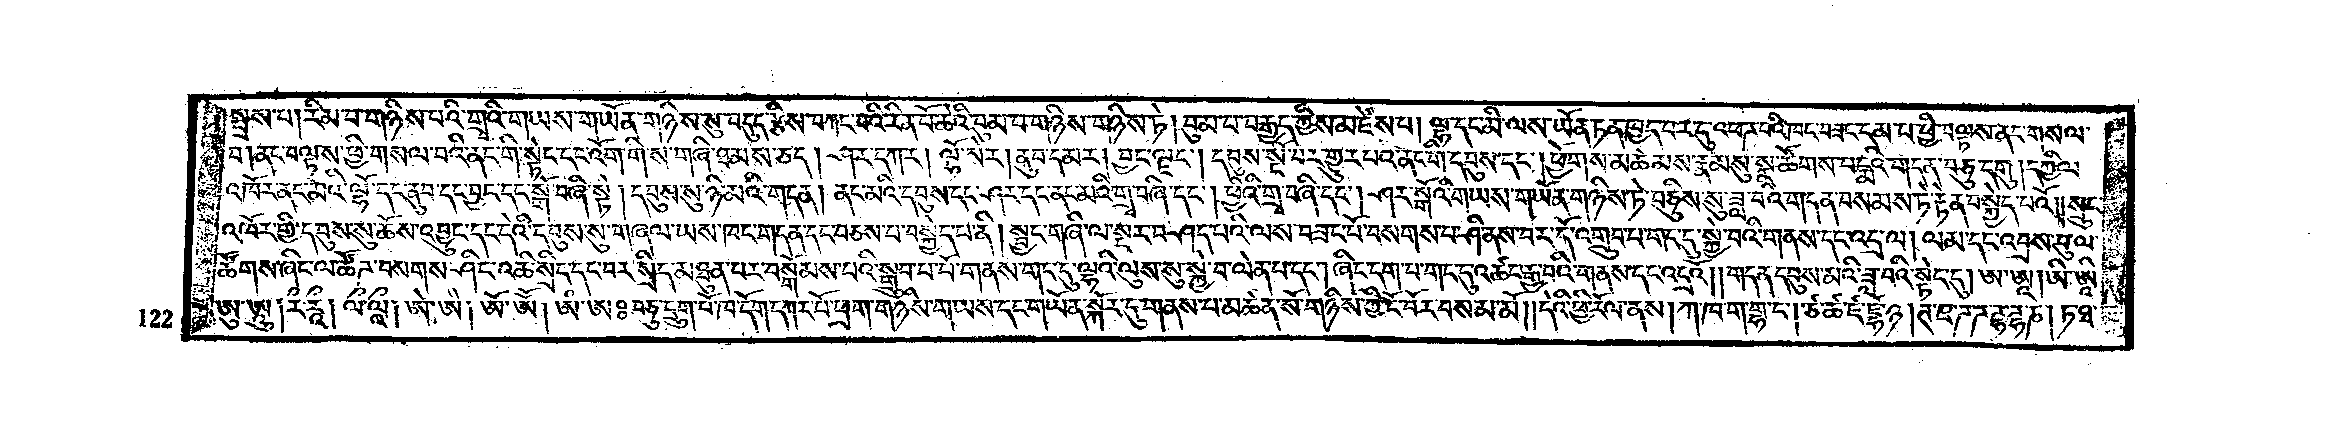སྤྲས་པ། རིམ་པ་གཉིས་པའི་གྲྭའི་གཡས་གཡོན་གཉིས་སུ་བདུད་རྩིས་བཀང་བའི་རིན་པོ་ཆེའི་བུམ་པ་གཉིས་གཉིས་ཏེ། བུམ་པ་བརྒྱད་ཀྱིས་མཛེས་པ། ལྷ་དང་མི་ལས་ཡོན་ཏན་ཁྱད་པར་དུ་འཕགས་པའི་ཁང་བཟང་དམ་པ་ཕྱི་བལྟས་ནང་གསལ་
བ། ནང་བལྟས་ཕྱི་གསལ་བའི་ནང་གི་སྟེང་དང་འོག་གི་ས་གཞི་ཐམས་ཅད། ཤར་དཀར། ལྷོ་སེར། ནུབ་དམར། བྱང་ལྗང་། དབུས་སྔོ་པར་གྱུར་པའི་ནང་གི་དབུས་དང་། ཕྱོགས་མཚམས་རྣམས་སུ་སྣ་ཚོགས་པདམའི་གདན་བཅུ་དགུ །དཀྱིལ་
འཁོར་ནང་མའི་ལྷོ་དང་ནུབ་དང་བྱང་དང་སྒོ་བཞི་སྟེ། དབུས་སུ་ཉི་མའི་གདན། ནང་མའི་དབུས་དང་ཤར་དང་ནང་མའི་གྲྭ་བཞི་དང་། ཕྱིའི་གྲྭ་བཞི་དང་། ཤར་སྒོའི་གཡས་གཡོན་གཉིས་ཏེ་བཅུ་གཉིས་སུ་ཟླ་བའི་གདན་བསམས་ཏེ་རྟེན་བསྐྱེད་པའོ། །སྲུང་
འཁོར་གྱི་དབུས་སུ་ཆོས་འབྱུང་དང་དེའི་དབུས་སུ་གཞལ་ཡས་ཁང་གདན་དང་བཅས་པ་བསྐྱེད་པ་ནི། སྦྱང་གཞི་ལ་སྔར་བཤད་པའི་ལས་བཟང་པོ་བསགས་པ་ཤི་ནས་བར་དོ་འགྲུབ་པ་གང་དུ་སྐྱེ་བའི་གནས་དང་འདྲ་ལ། ལམ་དང་འབྲས་བུ་ལ་
ཚོགས་ཞིང་ལ་ཚོགས་བསགས་ཤིང་འཆི་སྲིད་དང་བར་སྲིད་མཐུན་པར་བསྒོམས་པའི་སྒྲུབ་པ་པོ་གནས་གང་དུ་ལྷའི་ལུས་སུ་སྐྱེ་བ་ལེན་པ་དང་། ཞིང་དག་པ་གང་དུ་འཚང་རྒྱ་བའི་གནས་དང་འདྲའོ། །གདན་དབུས་མའི་ཟླ་བའི་སྟེང་དུ། ཨ་ཨཱ། ཨི་ཨཱི་
ཨུ་ཨཱུ། རྀ་རཱྀ། ལྀ་ལཱྀ། ཨེ་ཨཻ། ཨོ་ཨཽ། ཨཾ་ཨཿ བཅུ་དྲུག་པོ་ཁ་དོག་དཀར་པོ་ཕྲག་གཉིས་གཡས་དང་གཡོན་སྐོར་དུ་གནས་པ་མཚན་སོ་གཉིས་ཀྱི་ངོ་བོར་བསམ་མོ། །དེའི་ཕྱི་རོལ་ནས། ཀ་ཁ་ག་གྷ་ང་། ཙ་ཚ་ཛ་ཛྷ་ཉ། ཊ་ཊཿཨ་ཌ་ཌ་ཌྷ་ཌྷ་ཎ། ཏ་ཐ་